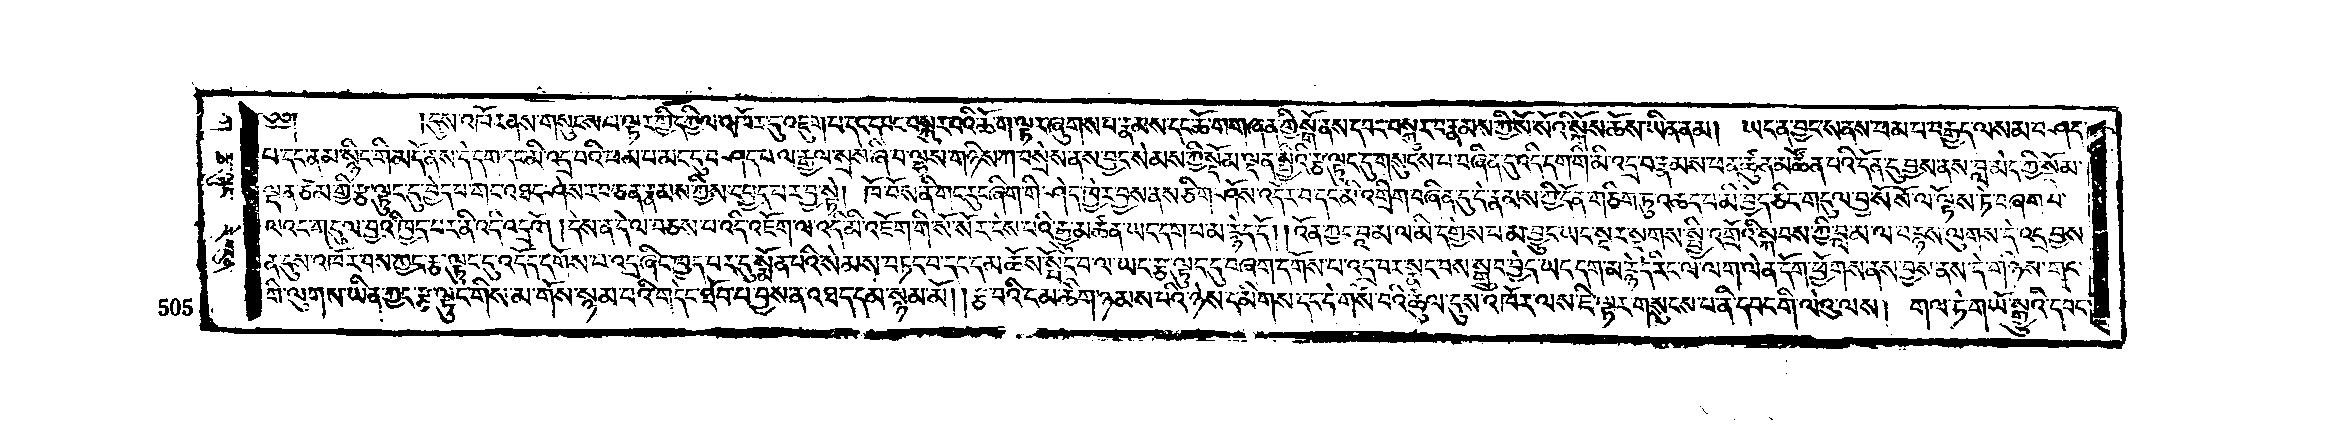༄༅། །དུས་འཁོར་ནས་གསུངས་པ་ལྟར་གྱི་དཀྱིལ་འཁོར་དུ་འཇུག་པ་དང་དབང་བསྐུར་བའི་ཆོ་ག་ལྟར་ཞུགས་པ་རྣམས་དང་ཆོ་ག་གཞན་གྱི་སྒོ་ནས་དབང་བསྐུར་བ་རྣམས་ཀྱི་སོ་སོའི་སྐོས་ཆོས་ཡིན་ནམ། ཡང་ན་བྱང་ས་ནས་ཕམ་པ་བརྒྱད་ལས་མ་བཤད་
པ་དང་ནམ་སྙིང་གི་མདོ་ནས་དེ་དག་དང་མི་འདྲ་བའི་ཕམ་པ་མང་དུ་བཤད་པ་ལ་རྒྱལ་སྲས་ཞི་བ་ལྷས་གཉིས་ཀ་བསྲེས་ནས་བྱང་སེམས་ཀྱི་སྡོམ་ལྡན་སྤྱིའི་རྩ་ལྟུང་དུ་གསུངས་པ་བཞིན་དུ་འདི་དག་གི་མི་འདྲ་བ་རྣམས་ཕན་ཚུན་མཚོན་པའི་དོན་དུ་བྱས་ནས་བླ་མེད་ཀྱི་སྡོམ་
ལྡན་ཙམ་གྱི་རྩ་ལྟུང་དུ་བྱེད་པ་གང་འཐད་ཤེས་རབ་ཅན་རྣམས་ཀྱིས་དཔྱད་པར་བྱ་སྟེ། ཁོ་བོས་ནི་གང་རུང་ཞིག་གི་ཤེད་ཁྱེར་བྱས་ནས་ཅིག་ཤོས་འདོར་བ་དང་མི་འགྲིག་བཞིན་དུ་དེ་རྣམས་ཀྱི་དོན་གཅིག་ཏུ་འཆད་པ་མི་བྱེད་ཅིང་གདུལ་བྱ་སོ་སོ་ལ་ལྟོས་ཏེ་བཞག་པ་
ལའང་གདུལ་བྱའི་ཁྱད་པར་ནི་འདི་འདྲའོ། །དེས་ན་དེ་ལ་བཅས་པ་འདི་འཇོག་ལ་འདི་མི་འཇོག་གི་སོ་སོར་ངེས་པའི་རྒྱུ་མཚན་ཡང་དག་པ་མ་རྙེད་དོ། །འོན་ཀྱང་བླ་མ་ལ་མི་དགྱེས་པ་མ་བྱུང་ཡང་སྔར་སྔགས་སྤྱི་འགྲོའི་སྐབས་ཀྱི་བླ་མ་ལ་བརྙས་ལུགས་དེ་འདྲ་བྱས་
ན་དུས་འཁོར་བས་ཀྱང་རྩ་ལྟུང་དུ་འདོད་དགོས་པ་འདྲ་ཞིང་ཁྱད་པར་དུ་སྨོན་པའི་སེམས་བཏང་བ་དང་དམ་ཆོས་སྤོང་བ་ལ་ཡང་རྩ་ལྟུང་དུ་བཞག་དགོས་པ་འདྲ་བར་སྣང་བས་སྒྲུབ་བྱེད་ཡང་དག་མ་རྙེད་རིང་ལ་ལག་ལེན་དོག་ཕྱོགས་ནས་བྱས་ནས་དེ་གཉིས་གང་
གི་ལུགས་ཡིན་ཀྱང་རྩ་ལྟུང་གིས་མ་གོས་སྙམ་པའི་གདེང་ཐོབ་པ་བྱས་ན་འཐད་དམ་སྙམ་མོ། །རྩ་བའི་དམ་ཚིག་ཉམས་པའི་ཉེས་དམིགས་དང་དེ་གསོ་བའི་ཚུལ་དུས་འཁོར་ལས་ཇི་ལྟར་གསུངས་པ་ནི་དབང་གི་ལེའུ་ལས། གལ་ཏེ་གཡོ་སྒྱུའི་དབང་